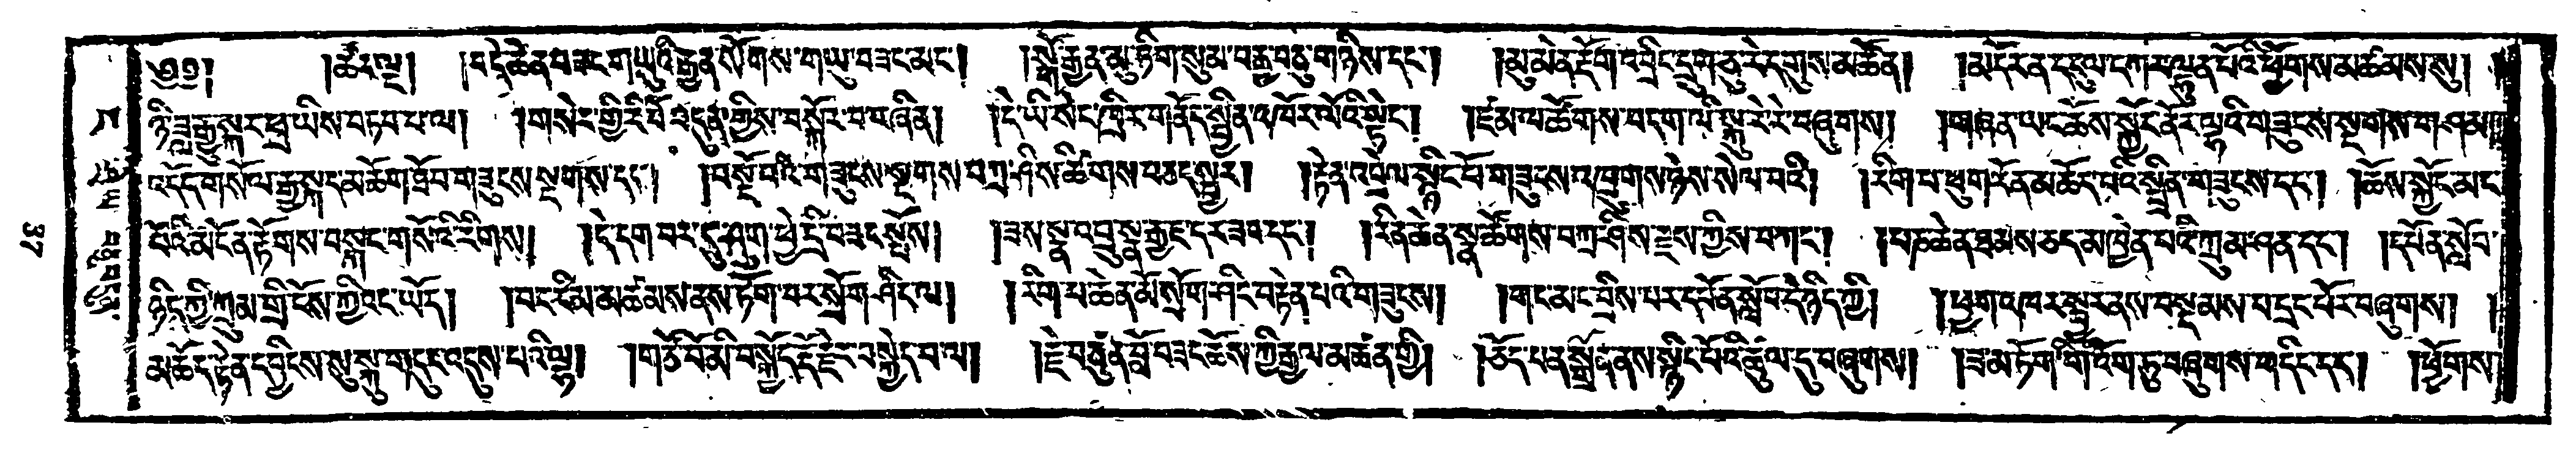༄༅། །ཚར་ལྔ། །བདེ་ཆེན་བཟང་གཡུའི་རྒྱན་སོགས་གཡུ་བཟང་མང་། །སྒོ་རྒྱན་མུ་ཏིག་སུམ་བརྒྱ་བཅུ་གཉིས་དང་། །མུ་མེན་རྡོག་འབྲིང་དྲུག་ཅུ་རེ་དགུས་མཚོན། །མདོར་ན་དངུལ་དཀར་ལྷུན་པོའི་ཕྱོགས་མཚམས་སུ། །
ཉི་ཟླ་རྒྱུ་སྐར་ཕྲ་ཡིས་བཏབ་པ་ལ། །གསེར་གྱི་རི་བོ་བདུན་གྱིས་བསྐོར་བ་བཞིན། །དེ་ཡི་སེང་ཁྲིར་གནོད་སྦྱིན་འཁོར་ལོའི་སྟེང་། །ཛམ་ལ་ཚོགས་བདག་ལ་སྐུ་རེ་རེ་བཞུགས། །གཞན་ཡང་ཆོས་སྐྱོང་ནོར་ལྷའི་གཟུངས་སྔགས་གཤམ།།
འདོད་གསོལ་རྒྱ་སྐད་མཆོག་ཐོབ་གཟུངས་སྔགས་དང་། །བསྔོ་བའི་གཟུངས་སྔགས་བཀྲ་ཤིས་ཚིགས་བཅད་སྦྱར། །རྟེན་འབྲེལ་སྙིང་པོ་གཟུངས་འཁྲུགས་ཉེས་སེལ་བའི། །རིག་པ་ཕུག་རོན་མཆོད་པའི་སྤྲིན་གཟུངས་དང་། །ཆོས་སྐྱོང་མང་
པོའི་མངོན་རྟོགས་བསྐང་གསོའི་རིགས། །དེ་དག་བར་དུ་ཤུག་ཕྱེ་དྲི་བཟང་སྤོས། །ཟས་སྣ་འབྲུ་སྣ་རྒྱ་ཇ་དར་ཟབ་དང་། །རིན་ཆེན་སྣ་ཚོགས་བཀྲ་ཤིས་རྫས་ཀྱིས་བཀང་། །པཎ་ཆེན་ཐམས་ཅད་མཁྱེན་པའི་ཀྲུམ་ཤན་དང་། །དཔོན་སློབ་
ཉིད་ཀྱི་ཀྲུམ་གྱི་ངོས་ཀྱིའང་ཡོད། །བང་རིམ་མཚམས་ནས་ཏོག་བར་སྲོག་ཤིང་ལ། །རིག་པ་ཆེན་མོ་སྲོག་ཤིང་བརྟེན་པའི་གཟུངས། །གང་མང་བྲིས་པར་དཔོན་སློབ་དེ་ཉིད་ཀྱི། །ཕྱག་འཁར་སྦྱར་ནས་བསྔམས་པ་དྲང་པོར་བཞུགས། །
མཆོད་རྟེན་དབྱིངས་སུ་སྐུ་གདུང་འདུས་པའི་ལྷ། །གཙོ་བོ་མི་བསྐྱོད་རྡོ་རྗེར་བསྐྱེད་བ་ལ། །རྗེ་བཙུན་བློ་བཟང་ཆོས་ཀྱི་རྒྱལ་མཚན་གྱི། །ཅོད་པན་སྒྲོན་ནས་སྙིང་པོའི་ཚུལ་དུ་བཞུགས། །ཟ་མ་ཏོག་གི་འོག་ཏུ་བཞུགས་གདིང་དང་། །ཕྱོགས་